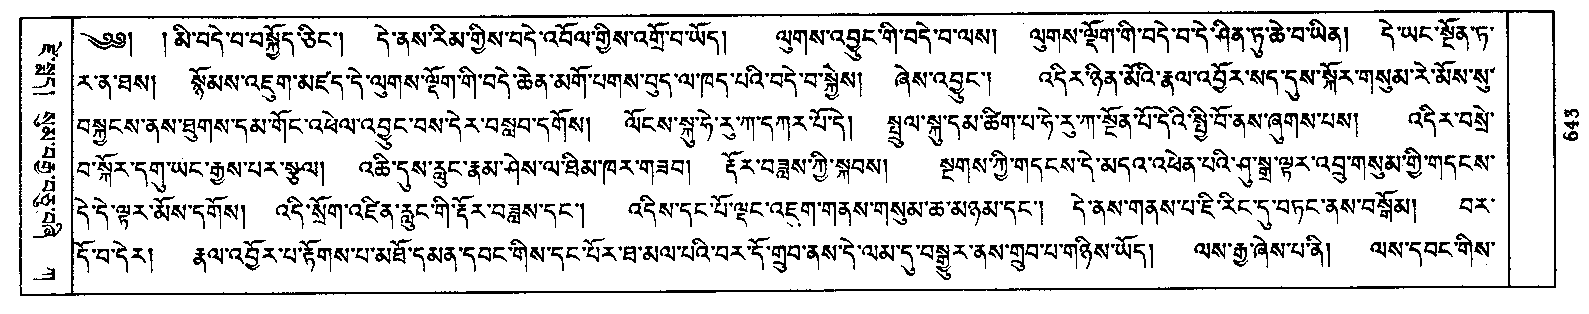༄༅། །མི་བདེ་བ་བསྐྱོད་ཅིང་། དེ་ནས་རིམ་གྱིས་བདེ་འབོལ་གྱིས་འགྲོ་བ་ཡོད། ལུགས་འབྱུང་གི་བདེ་བ་ལས། ལུགས་ལྡོག་གི་བདེ་བ་དེ་ཤིན་ཏུ་ཆེ་བ་ཡིན། དེ་ཡང་སྔོན་ཏ་
ར་ན་ཐས། སྙོམས་འཇུག་མཛད་དེ་ལུགས་ལྡོག་གི་བདེ་ཆེན་མགོ་པགས་བུད་ལ་ཁད་པའི་བདེ་བ་སྐྱེས། ཞེས་འབྱུང་། འདིར་ཉིན་མོའི་རྣལ་འབྱོར་སད་དུས་སྐོར་གསུམ་རེ་མོས་སུ་
བསྐྱངས་ནས་ཐུགས་དམ་གོང་འཕེལ་འབྱུང་བས་དེར་བསླབ་དགོས། ལོངས་སྐུ་ཧེ་རུ་ཀ་དཀར་པོ་དེ། སྤྲུལ་སྐུ་དམ་ཚིག་པ་ཧེ་རུ་ཀ་སྔོན་པོ་དེའི་སྤྱི་བོ་ནས་ཞུགས་པས། འདིར་བསྲེ་
བ་སྐོར་དགུ་ཡང་རྒྱས་པར་སྩལ། འཆི་དུས་རླུང་རྣམ་ཤེས་ལ་ཐིམ་ཁར་གཟབ། རྡོར་བཟླས་ཀྱི་སྐབས། སྔགས་ཀྱི་གདངས་དེ་མདའ་འཕེན་པའི་ཤུ་སྒྲ་ལྟར་འབྲུ་གསུམ་གྱི་གདངས་
དེ་དེ་ལྟར་མོས་དགོས། འདི་སྲོག་འཛིན་རླུང་གི་རྡོར་བཟླས་དང་། འདིས་དང་པོ་ལྡང་འཇུག་གནས་གསུམ་ཆ་མཉམ་དང་། དེ་ནས་གནས་པ་ཇི་རིང་དུ་བཏང་ནས་བསྒོམ། བར་
དོ་བ་དེར། རྣལ་འབྱོར་པ་རྟོགས་པ་མཐོ་དམན་དབང་གིས་དང་པོར་ཐ་མལ་པའི་བར་དོ་གྲུབ་ནས་དེ་ལམ་དུ་བསྒྱུར་ནས་གྲུབ་པ་གཉིས་ཡོད། ལས་རྒྱ་ཞེས་པ་ནི། ལས་དབང་གིས་